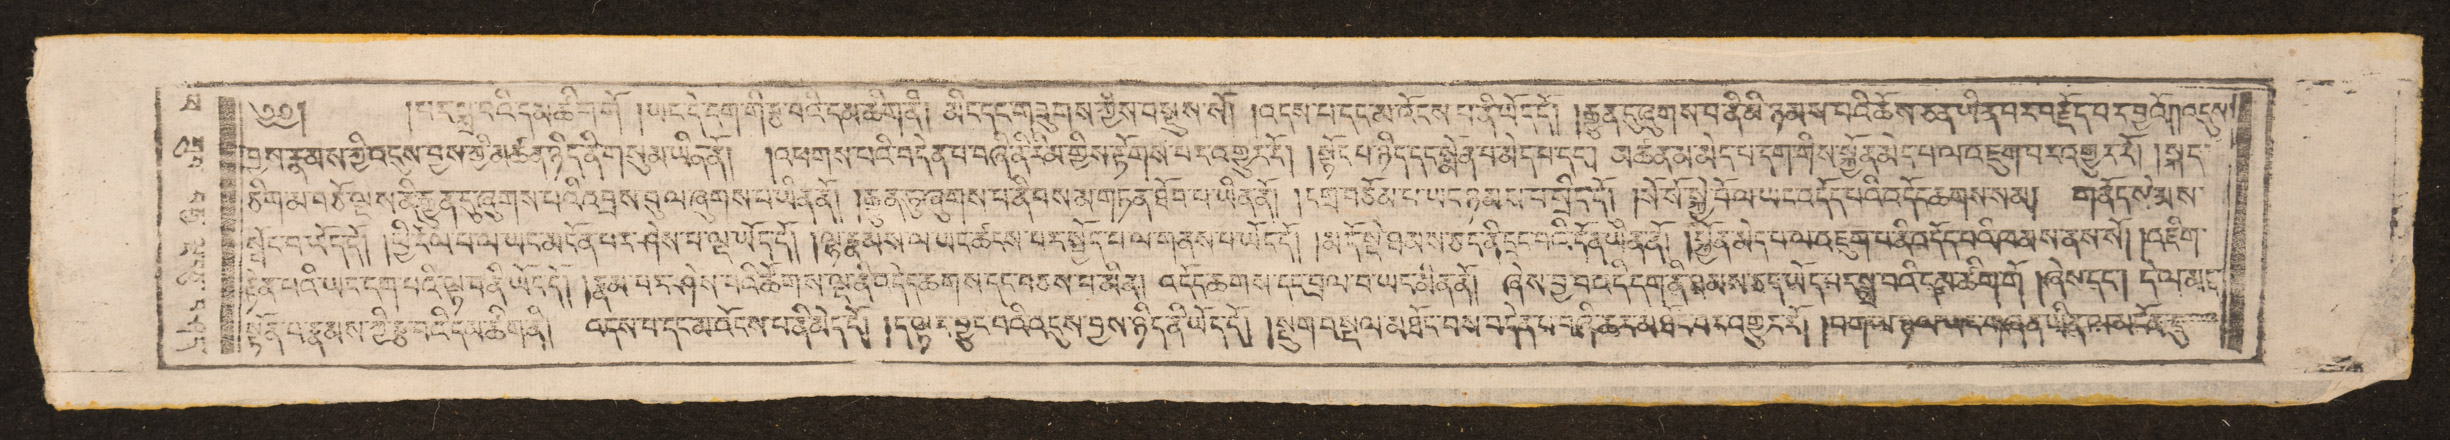༄༅། །པར་སྨྲ་བའི་དམ་ཚིག་གོ །ཡང་དེ་དག་གི་རྩ་བའི་དམ་ཚིག་ནི། མིང་དང་གཟུགས་ཀྱིས་བསྡུས་སོ། །འདས་པ་དང་མ་འོངས་པ་ནི་ཡོད་དོ། །རྒྱུན་དུ་ཞུགས་པ་ནི་མི་ཉམས་པའི་ཆོས་ཅན་ཡིན་པར་བརྗོད་པར་བྱའོ། །འདུས་
བྱས་རྣམས་ཀྱི་འདུས་བྱས་ཀྱི་མཚན་ཉིད་ནི་གསུམ་ཡིན་ནོ། །འཕགས་པའི་བདེན་པ་བཞི་ནི་རིམ་གྱིས་རྟོགས་པར་འགྱུར་རོ། །སྟོང་བ་ཉིད་དང་སྨོན་བ་མེད་པ་དང་། མཚན་མ་མེད་པ་དག་གིས་སྐྱོན་མེད་པ་ལ་འཇུག་པར་འགྱུར་རོ། །སྐད་
ཅིག་མ་བཅོ་ལྔས་ནི་རྒྱུན་དུ་ཞུགས་པའི་འབྲས་བུ་ལ་ཞུགས་པ་ཡིན་ནོ། །རྒྱུན་ཏུ་ཞུགས་བ་ནི་བསམ་གཏན་ཐོབ་པ་ཡིན་ནོ། །དགྲ་བཅོམ་པ་ཡང་ཉམས་པ་སྲིད་དོ། །སོ་སོ་སྒྱོ་བོ་ལ་ཡང་འདོད་པའི་འདོད་ཆགས་སམ། གནོད་སེམས་
སྤོང་བ་ཡོད་དོ། །ཕྱི་རོལ་པ་ལ་ཡང་མངོན་པར་ཤེས་པ་ལྔ་ཡོད་དོ། །ལྷ་རྣམས་ལ་ཡང་ཚངས་པར་སྤྱོད་པ་ལ་གནས་པ་ཡོད་དོ། །མདོ་སྡེ་ཐམས་ཅད་ན་དྲང་བའི་དོན་ཡིན་ནོ། །སྐྱོན་མེད་པ་ལ་འཇུག་པ་ནི་འདོད་པའི་ཁམས་ནས་སོ། །འཇིག་
རྟེན་པའི་ཡང་དག་པའི་ལྟ་བ་ནི་ཡོད་དོ། །རྣམ་པར་ཤེས་པའི་ཚོགས་ལྔ་ནི་འདོད་ཆགས་དང་བཅས་པ་མིན། འདོད་ཆགས་དང་བྲལ་བ་ཡང་མིན་ནོ། ཞེས་བྱ་བ་འདི་དག་ནི་ཐམས་ཅད་ཡོད་པར་སྨ་བའི་དམ་ཚིག་གོ །ཞེས་དང་། དེ་ལ་མང་
སྟོན་པ་རྣམས་ཀྱི་རྩ་བའི་དམ་ཚིག་ནི། འདས་བ་དང་མ་འོངས་པ་ནི་མེད་དོ། །ད་ལྟར་བྱུང་བའི་འདུས་བྱས་ཉིད་ནི་ཡོད་དོ། །སྡུག་བསྔལ་མཐོང་བས་བདེན་པ་བཞི་ཆར་མཐོང་བར་འགྱུར་རོ། །བག་ལ་ཉལ་ཡང་གཞན་ཡིན་ལ་མངོན་དུ་